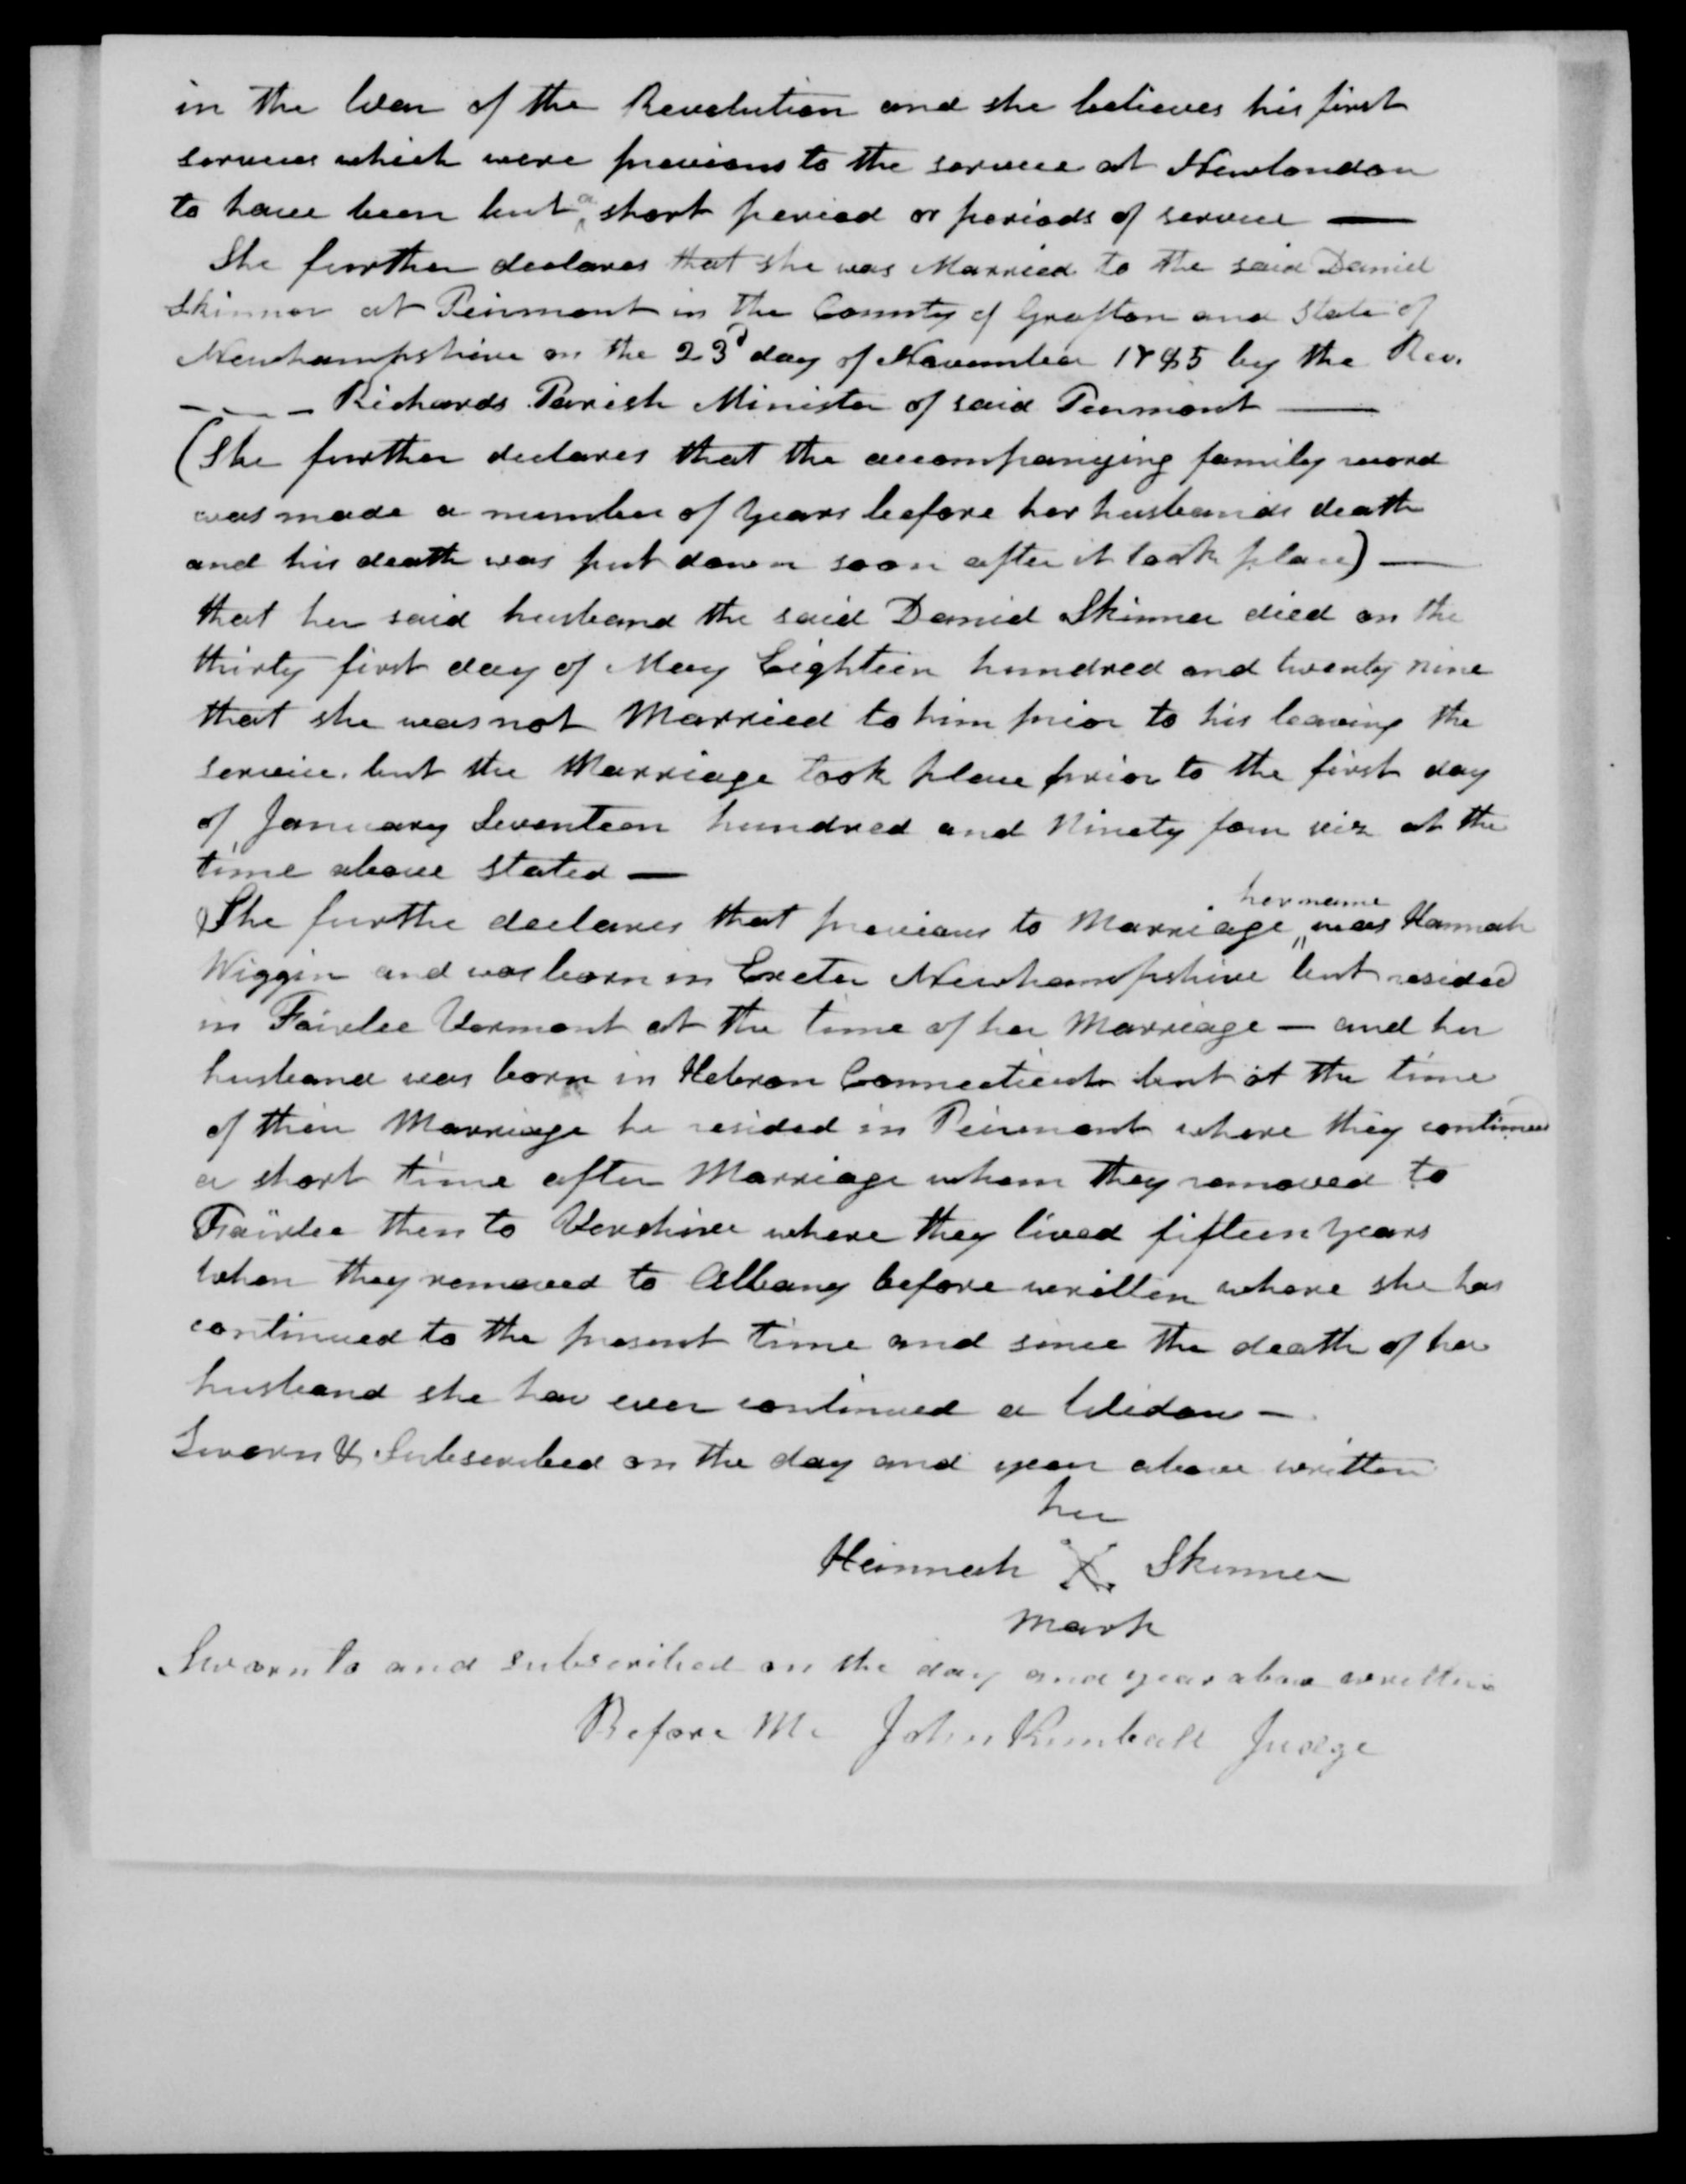in the war of the Revolution and she believes his first
services which were previous to the service at New London
to have been but a short period or periods of service--
She further declares that she was married to the said Daniel
Skinner at Piermont in the County of Grafton and State of
New Hampshire on the 23d day of November 1785 by the Rev.
Richard Parish Minister of said Piermont.--
(She further declares that the accompanying family record
was made a number of years before her husbands death
and his death was put down soon after it look place)--
that her said husband the said Daniel Skinner died on the
thirty first day of May Eighteen hundred and twenty nine
that she was not married to him prior to his leaving the
service, but the Marriage took place prior to the first day
of January Seventeen hundred and ninety four viz at the
time above stated.--
She further declares that previous to marriage her name was Hannah
Wiggin and was born in Exeter New Hampshire "but resided
in Fairlee Vermont at the time of her Marriage-- and her
husband was born in Hebron Connecticut bent at the time
of their marriage he resided in Piermont where they continued
a short time after Marriage whom they removed to
Fairlee then to Vershire where they lived fifteen years
when they removed to Albany before written where she has
continued to the present time and since the death of her
husband she had ever continued a widow-
Sworn & Subscribed on the day and year above written
Hannah X Skinner her mark

Sworn to and subscribed on the day and year above written
Before me John Kimball Judge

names: John Kimball; [BLANK] Richards; Daniel Skinner; Hannah Wiggin; Daniel Skinner; Hannah Skinner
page: 5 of 46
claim: widow's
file: W. 24976, for Daniel Skinner, New Hampshire